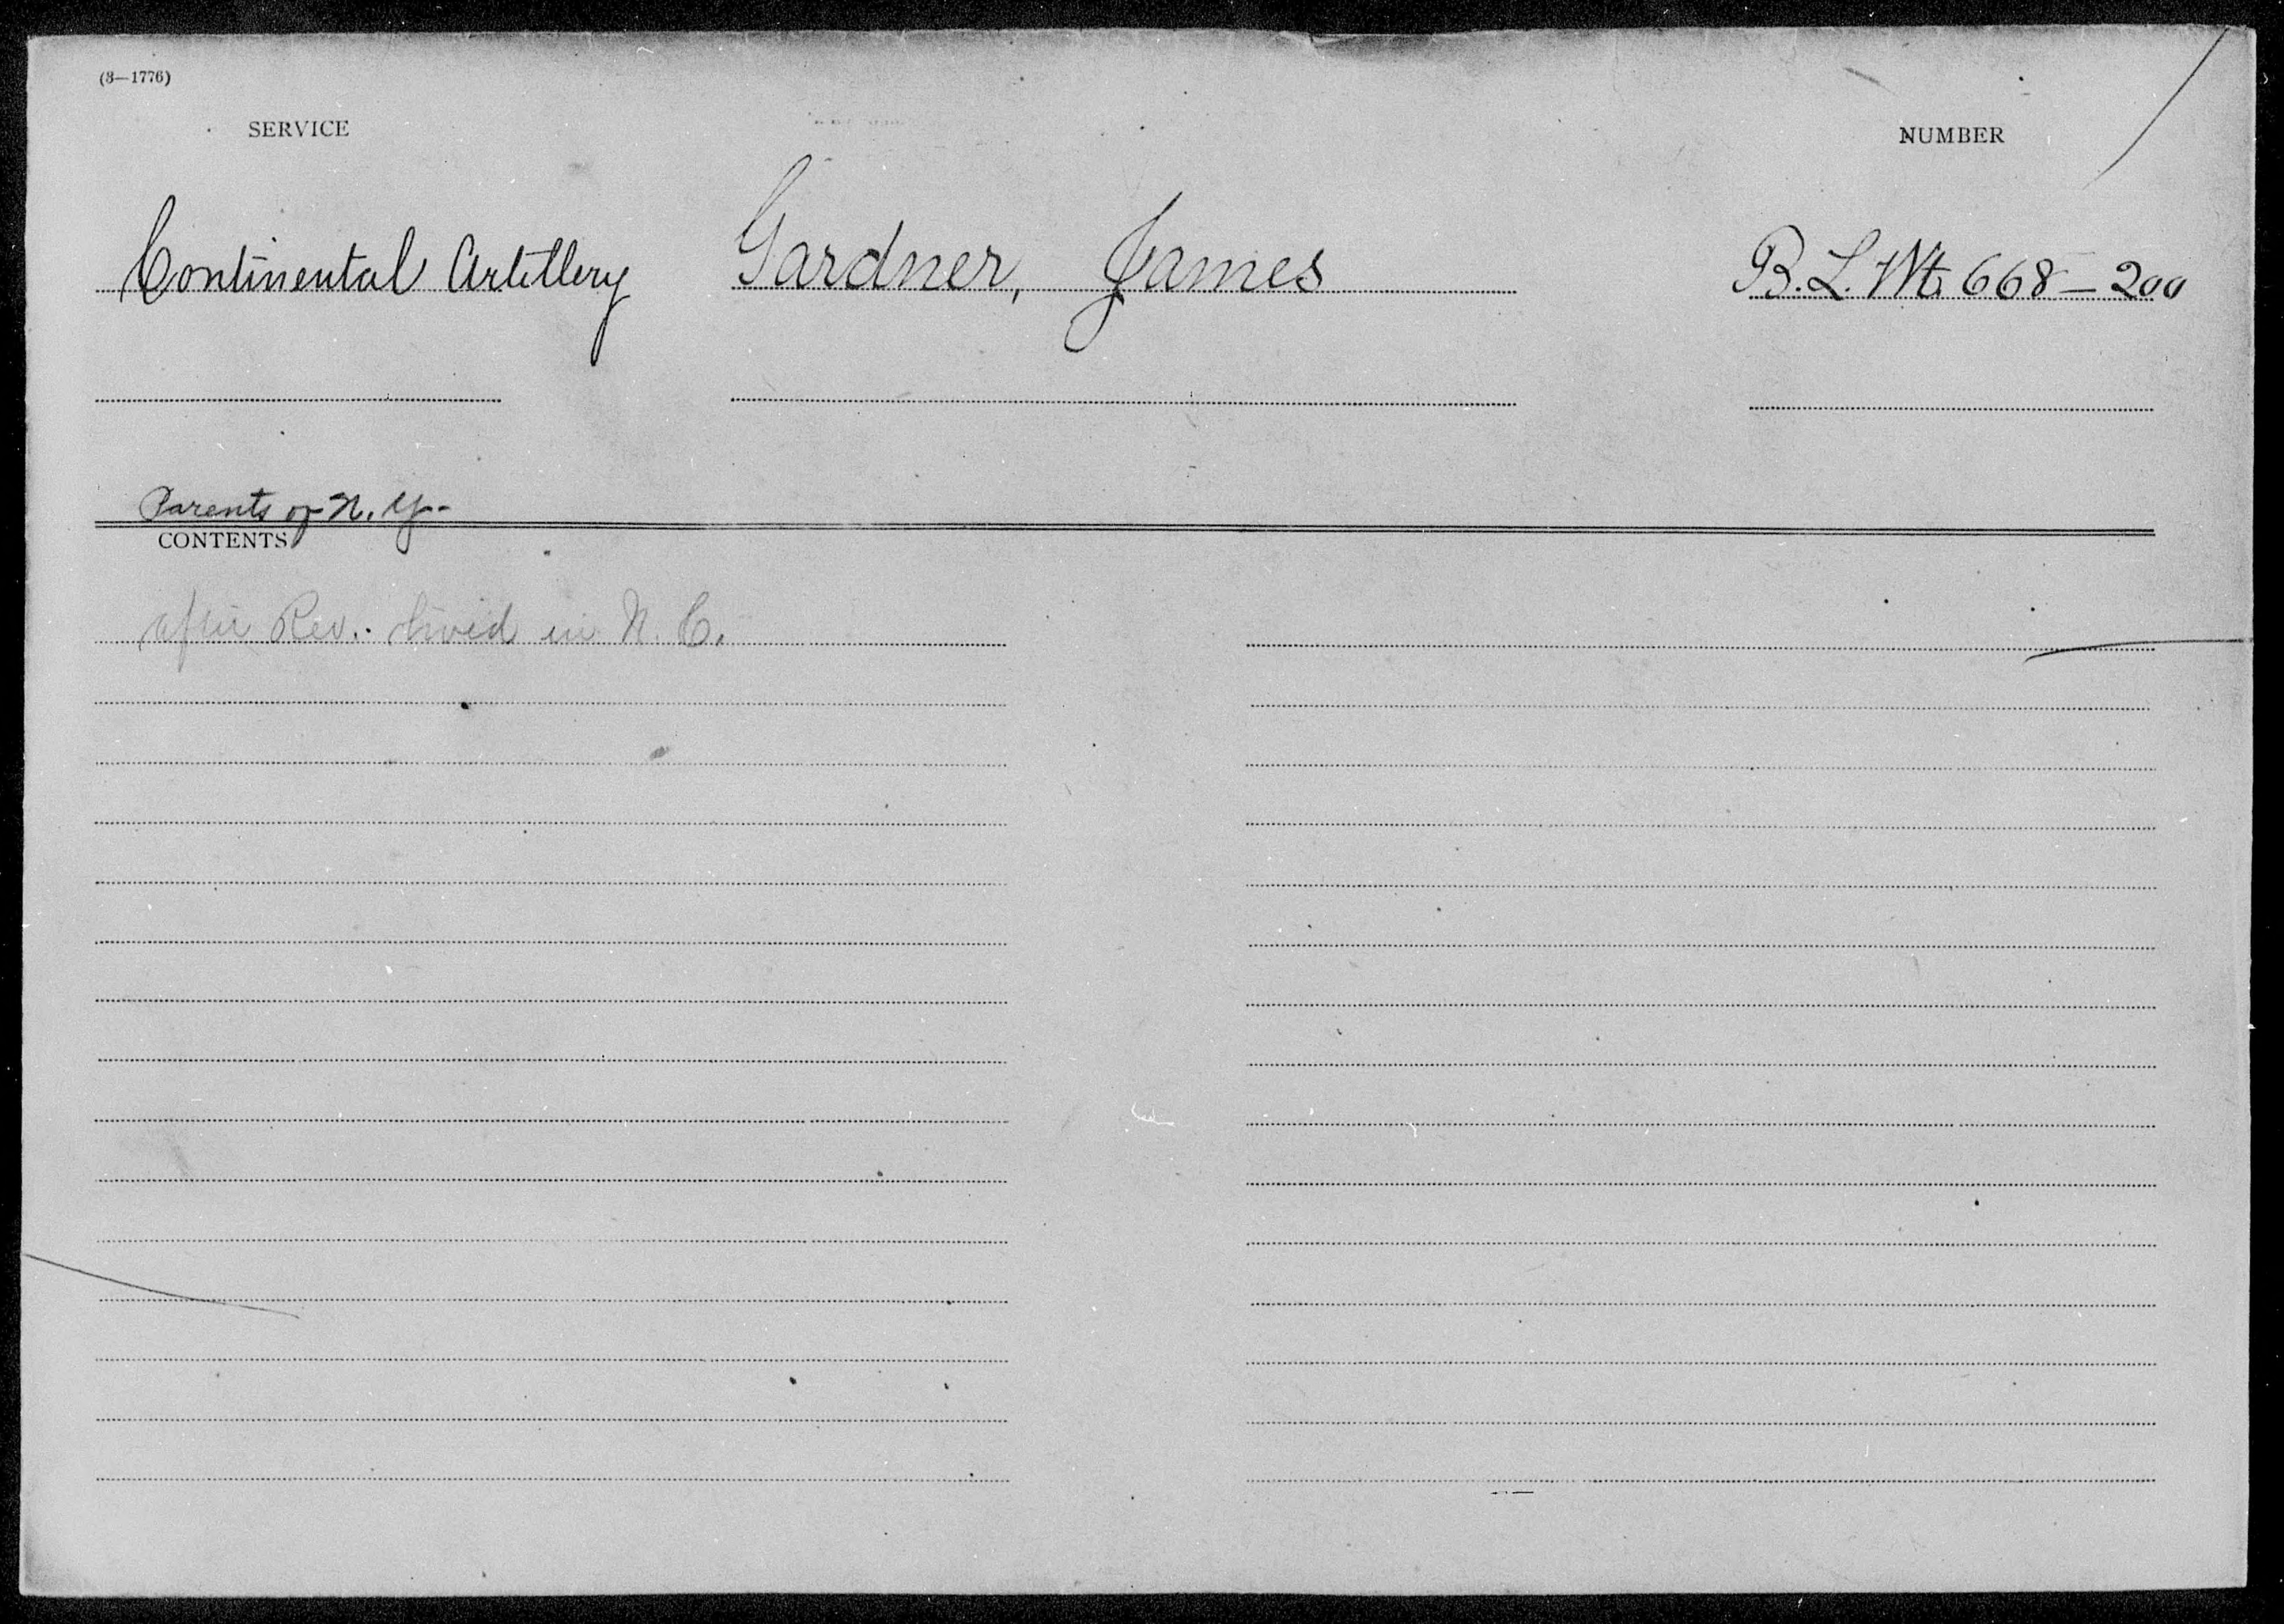(3-1776) 
SERVICE 
Continental Artillery  

Gardner, James

NUMBER 
B.L. Wt 668-200  

Parents of N. Y. 
CONTENTS 
after Rev. lived in N. C.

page: 1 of 18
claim: bounty land warrant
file: B. L. Wt. 668-200, James Gardner, Continental Artillery Parents Of N.Y.